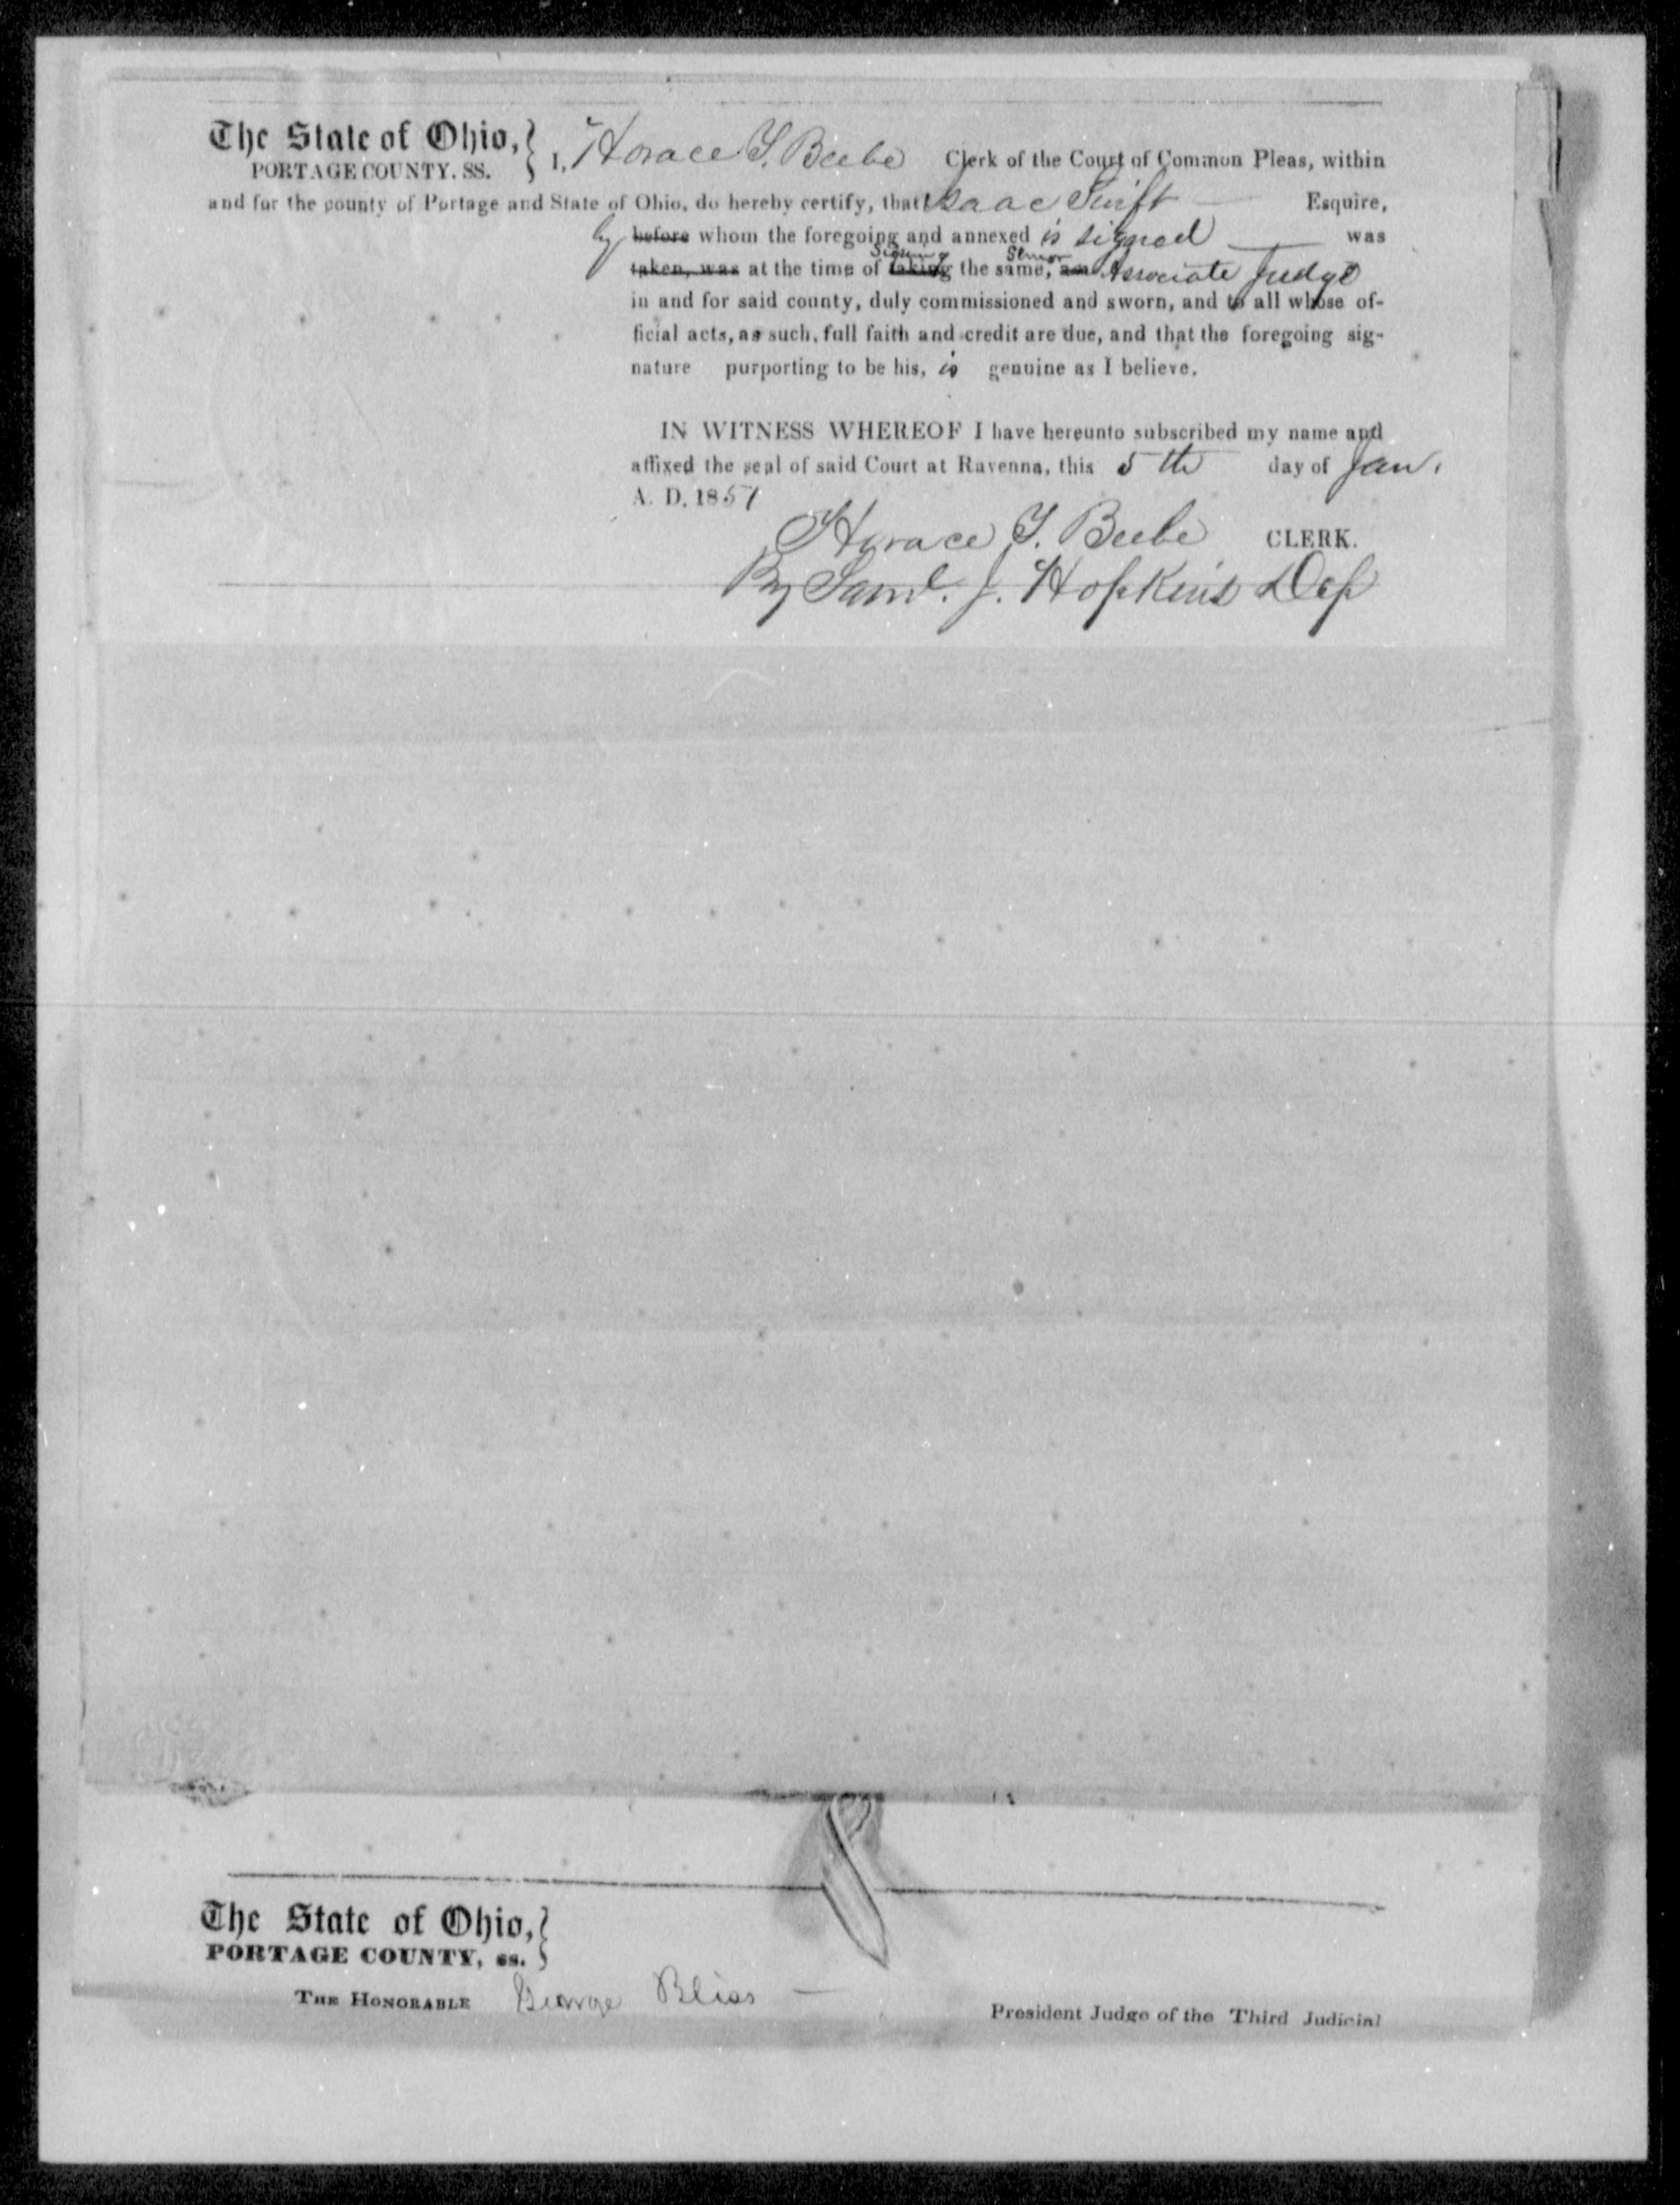The State of Ohio,
PORTAGE COUNTY, SS.} 
 I, Horace T. Beebe Clerk of the Court of Common Pleas, within and for the county of Portage and State of Ohio, do hereby certify, that Isaac Swift Esquire, by whom the foregoing and annexed is signed was at the time of signing the same, Senior Associate Judge in and for said county, duly commissioned and sworn, and to all whose official acts, as such, full faith and credit are due, and that the foregoing signature purporting to be his, is genuine as I believe.
IN WITNESS WHEREOF I have hereunto subscribed my name and affixed the seal of said Court at Ravenna, this 5th day of Jan.
A. D. 1851
Horace T. Beebe CLERK.
By Saml. [SAMUEL] J Hopkins Dep [DEPUTY]

The State of Ohio,
PORTAGE COUNTY, ss.}
The Honorable George Bliss
President Judge of the Third Judicial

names: Saml J Hopkins; Horace T Beebe; Isaac Swift; George Bliss; Horace T Beebe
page: 69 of 109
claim: widow's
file: W. 5709, for Thomas Richards, New Hampshire